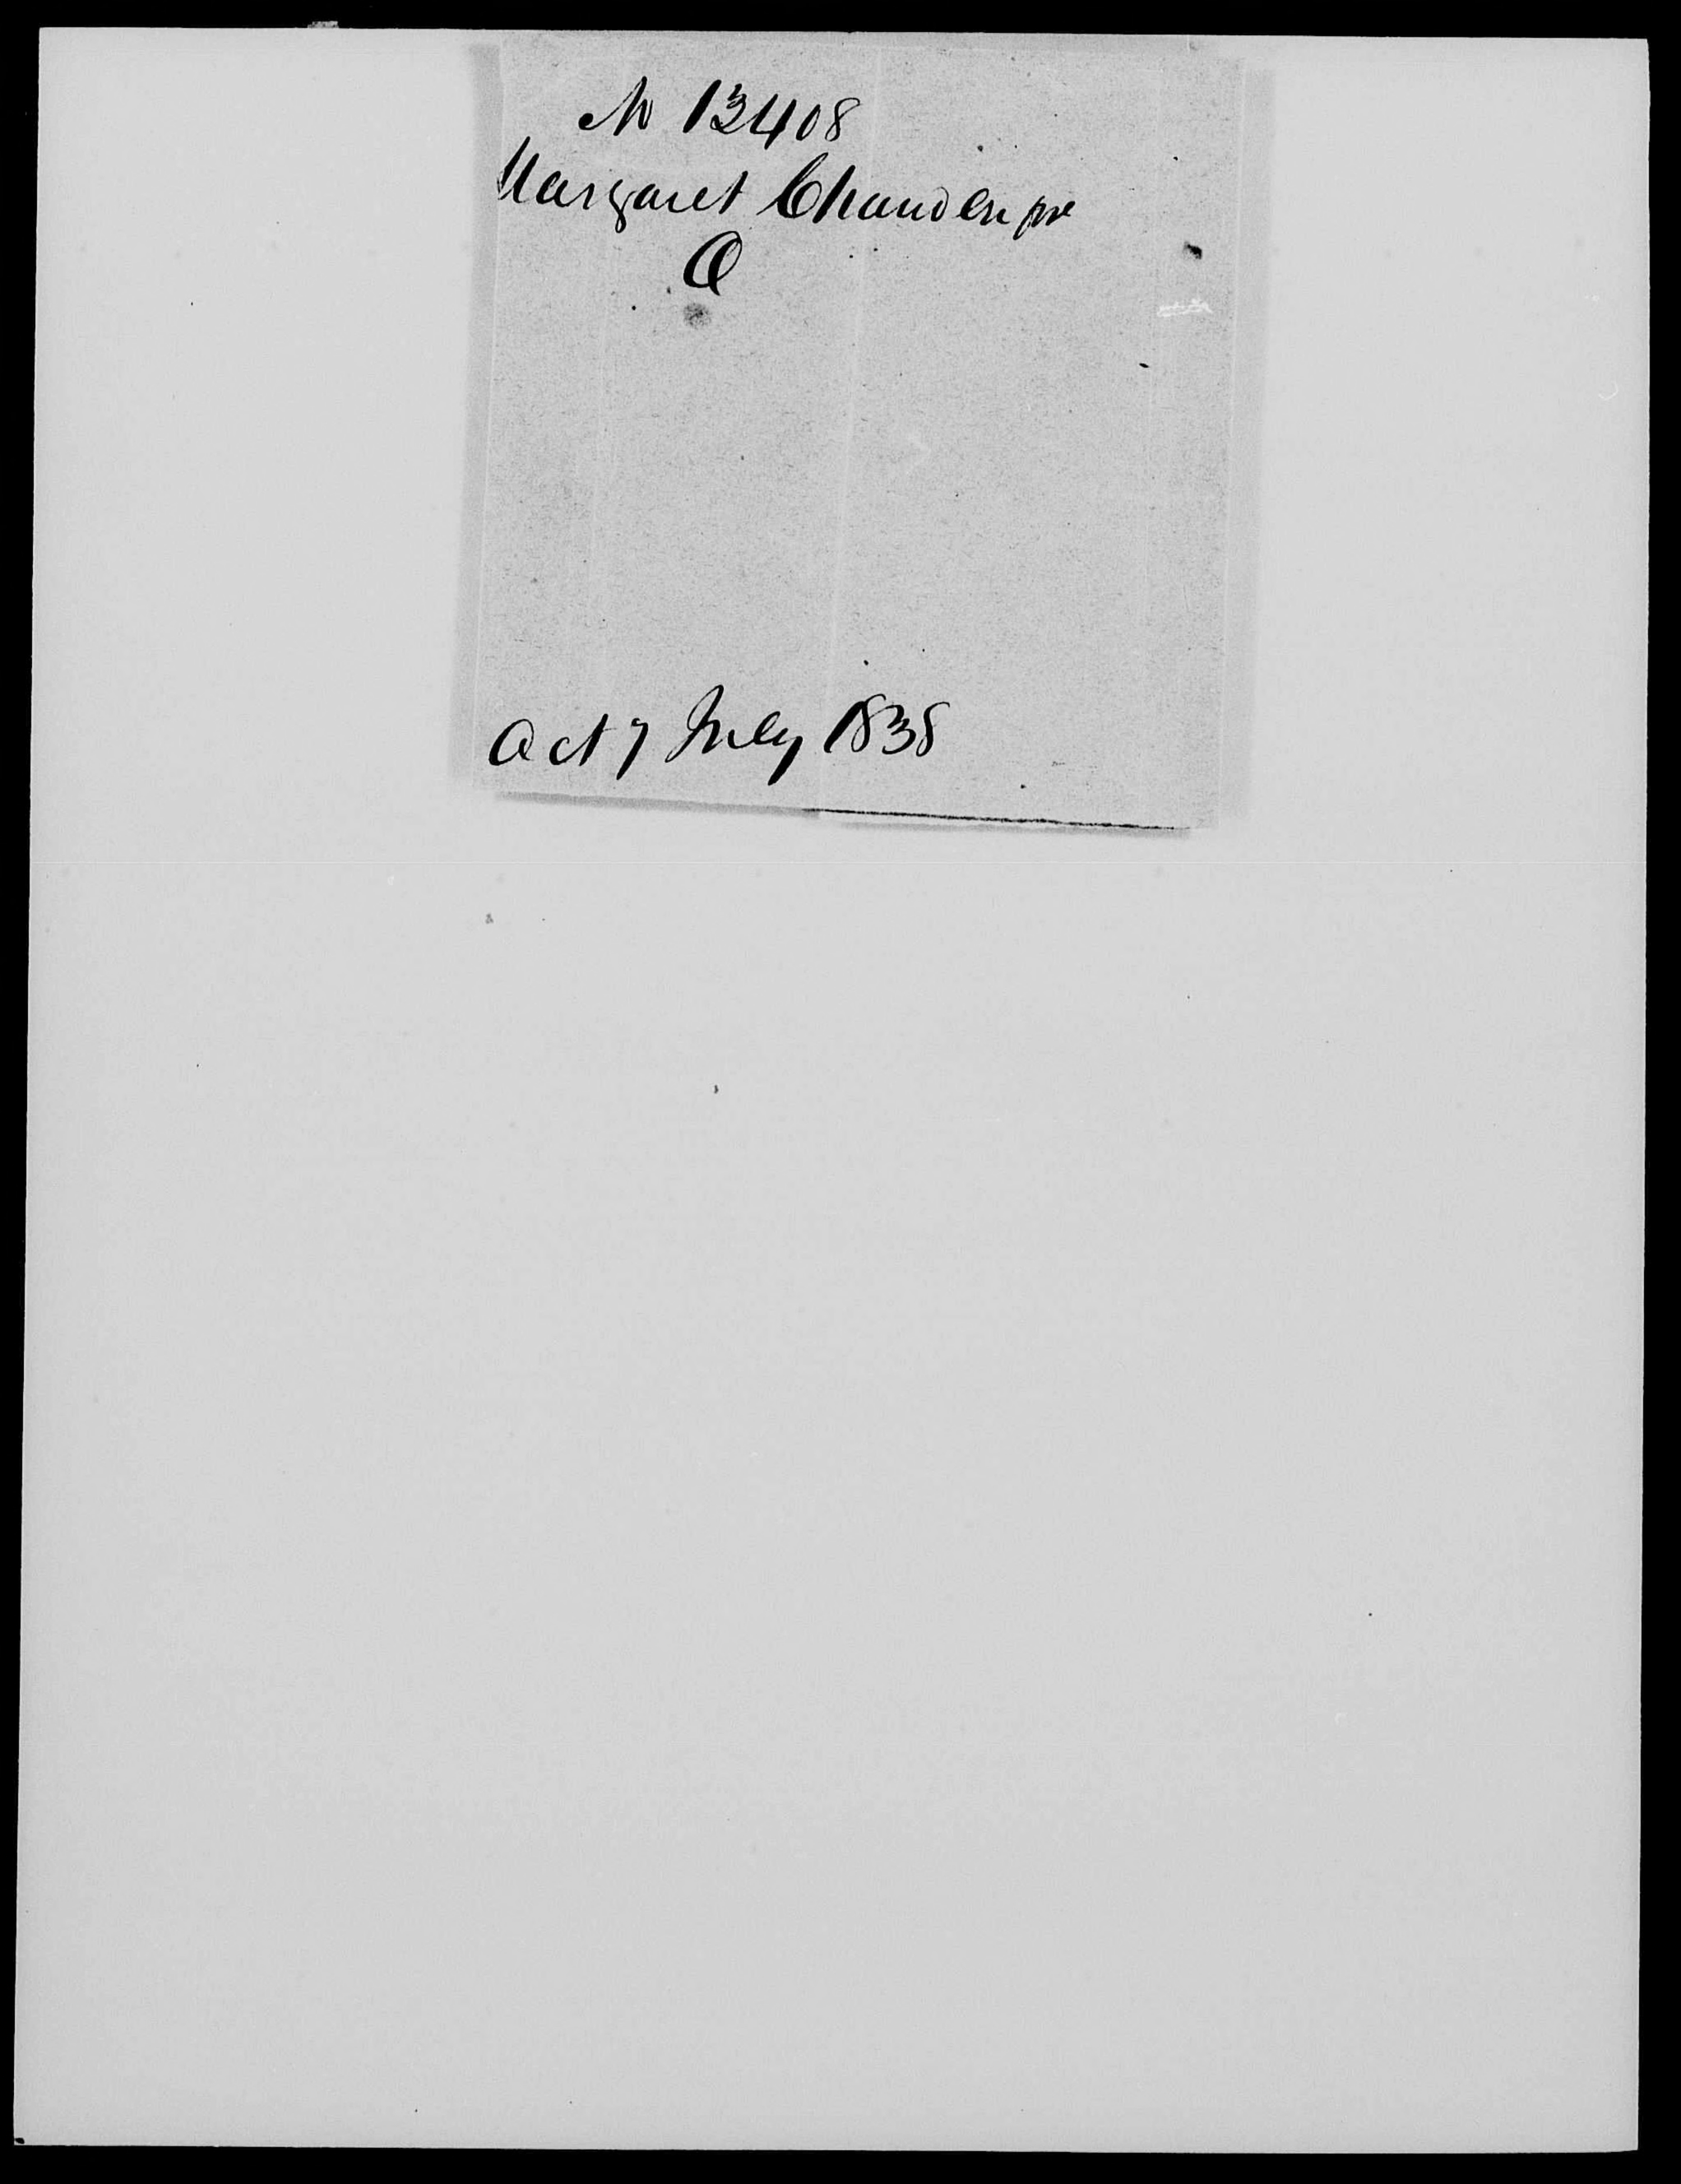No 12408 Margaret Chandler
O
Act 7 July 1838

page: 22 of 86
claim: widow's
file: W. 6661, for George Purcell, Virginia